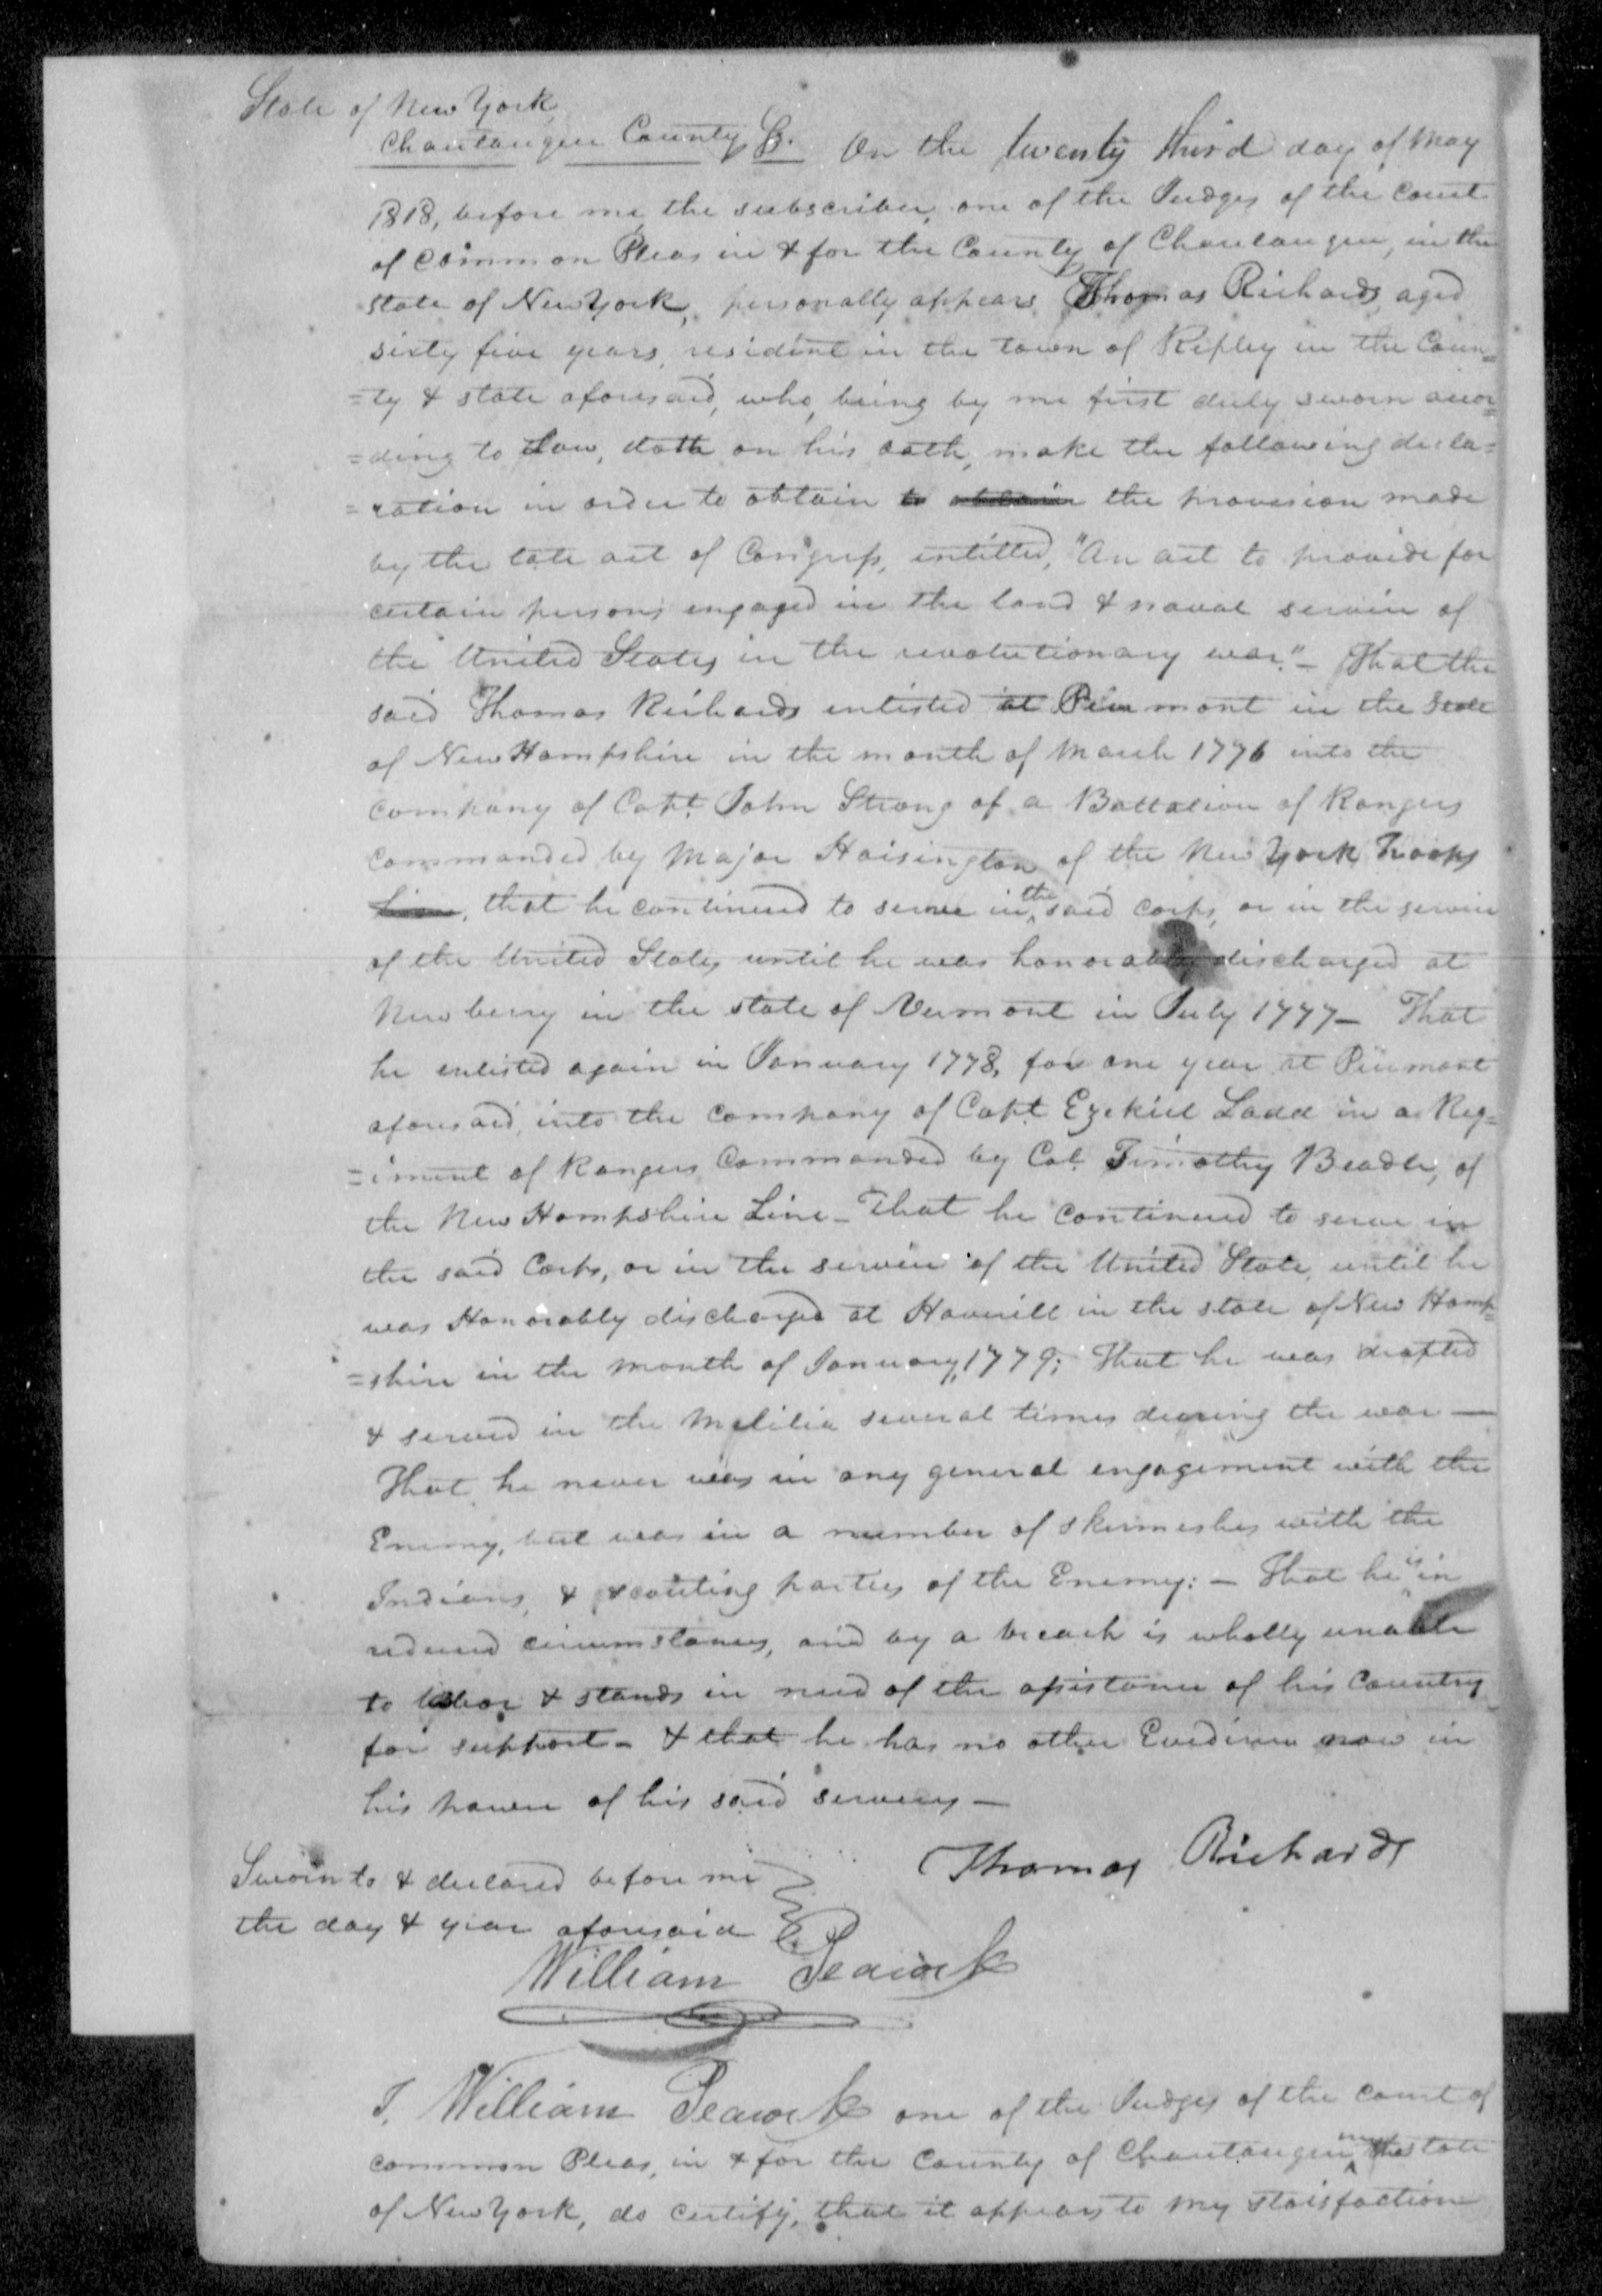State of New York Chautauqua Ss. On the twenty third day of May 1818, before me the scubscriber, one of the judges of the Court of Common Pleas in & for the County of Chautauqua, in the State of New York, personally appears Thomas Richards, aged sixty five years, resident in the town of Ripley in the County & state aforesaid, who, being by me first duly sworn  according to Law, doth on his oath, make the following declaration in order to obtain the provision made by the late act of Congress, entitled, "An act to provide for certain persons engaged in the land & naval service of the United States in the revolutionary war." That the said Thomas Richards enlisted at Belmont in the state of New Hampshire in the month of March 1776 into the company of Capt. [CAPTAIN] John Strong of a Battalion of Rangers commanded by Major Hoisington of the New York Troops that he continued to serve in the said corps, or in the service of the United States until he was honorably discharged at Newbury in the state of Vermont in July 1777- That he enlisted again in January 1778, for one year at Piermont aforesaid into the company of Capt Ezekiel Ladd in a Regiment of Rangers Commanded by Col. [COLONEL]Timothy Beadle, of the New Hampshire Line - That he continued to serve in the said Corps, or in the service of the United Staes until he was Honorably discharged at Haverhill in the state of New Hampshire in the month of January, 1779; That he was drafted & served in the  Militia several times during the war - That he never was in any general engagement with Enemy, but was in a number of skirmishes with the Indians, & scouting parties of the Enemy: - That he is in reduced circumstances, and by a break is wholly unable to labor & stands in need of the assistance of his Country for support - & that he has no other Evidence now in his possession of his said services - 
Thomas Richards
Sworn to & declared before me the day & year aforesaid William Peacock
I William Peacock one of the Judges of the Court of Common Pleas, in & for the County of Chautauqua in the state of New York, do certify that it appears to my satisfaction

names: Ezekiel Ladd; William Peacock; [BLANK] Hoisington; Thomas Richards; Timothy Beadle; William Peacock; John Strong; Thomas Richards; Thomas Richards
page: 5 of 109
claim: widow's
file: W. 5709, for Thomas Richards, New Hampshire